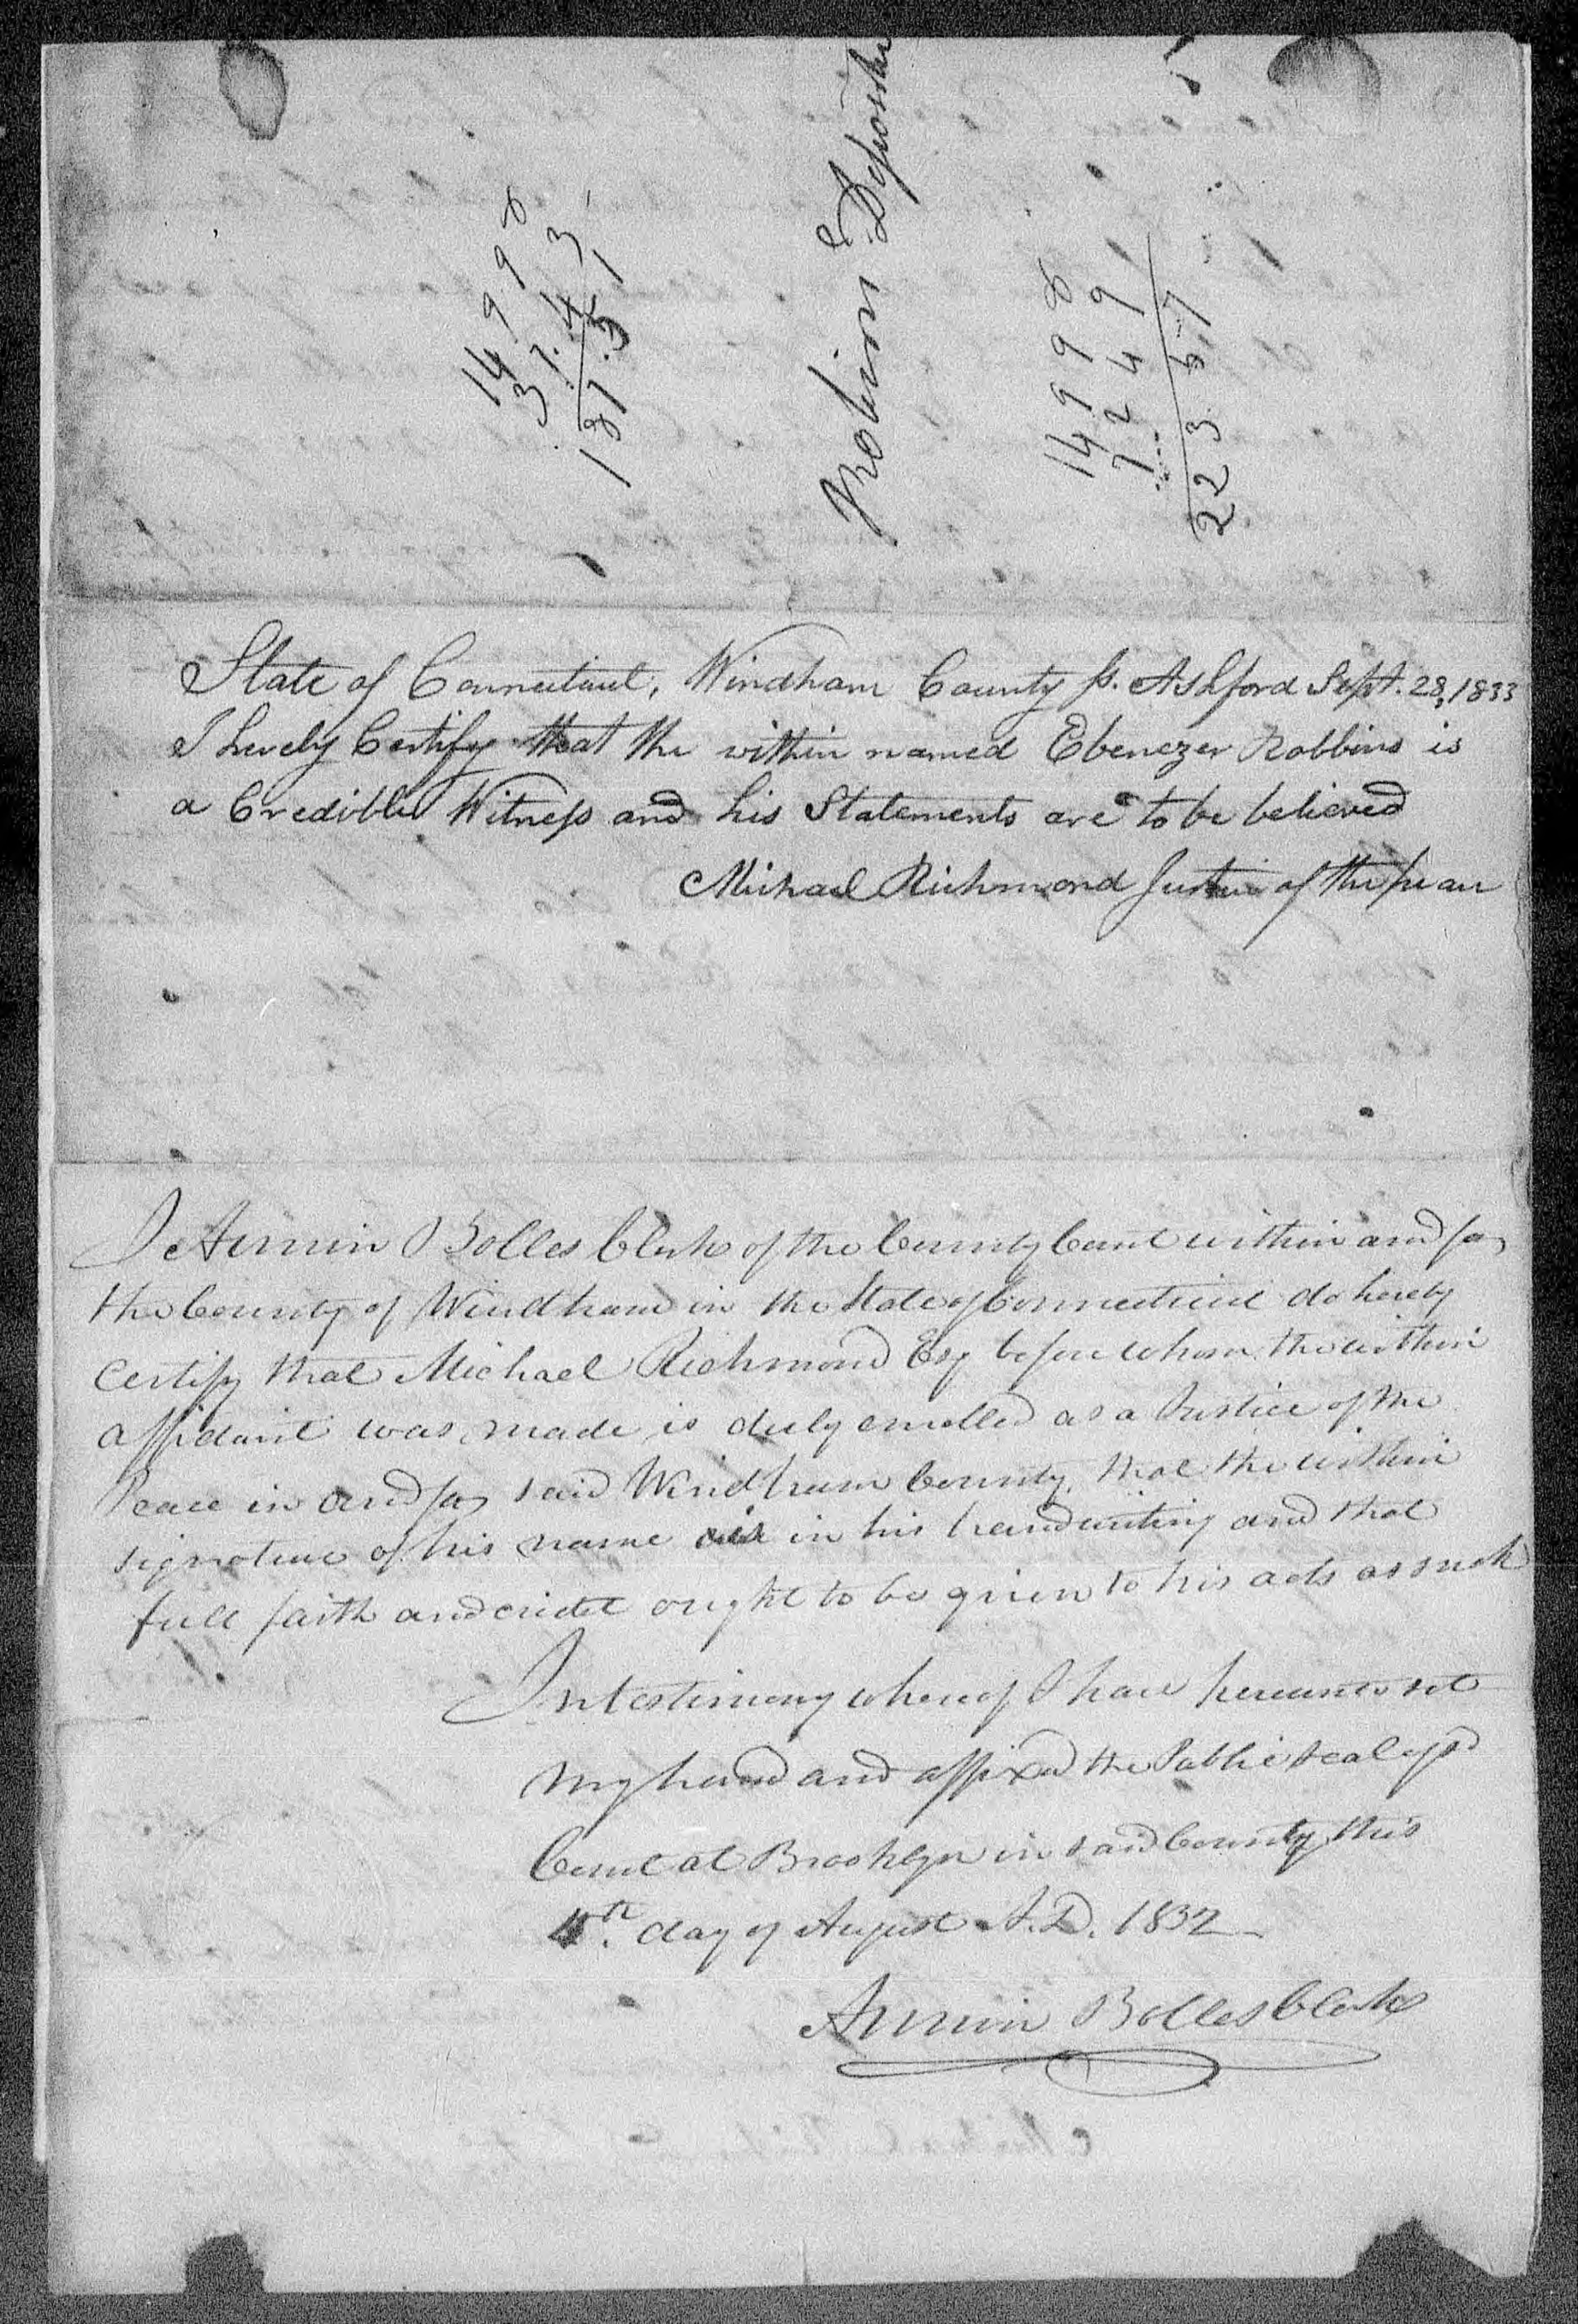State of Connecticut, Windham County SS Ashford Sept 28, 1833
I hereby certify that the within name Ebenezer Robbins is a credible witness and his statements are to be believed.
Michael Richmond Justice of Peace

I Armin Bolles Clerk of the County Court within and for the County of Windham in the State of Connecticut do hereby certify that Michael Richmond Esq before whom the attached affidavit was made is duly made as a Justice of the Peace in and for said Windham County that the within signature of his name in his handwriting and that full faith and credit ought to be given to his acts as such.
In testimony where I have hereunto set my hand and affixed the public seal of Court at Brooklyn in said County. This 4th day of August AD 1832
Armin Bolles Clerk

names: Ebenezer Robbins, Michael Richmond, Robins, Armin Bolles, Michael Richmond, Armin Bolles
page: 21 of 34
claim: survivor's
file: S. 31,605, Elias Child, Conn.